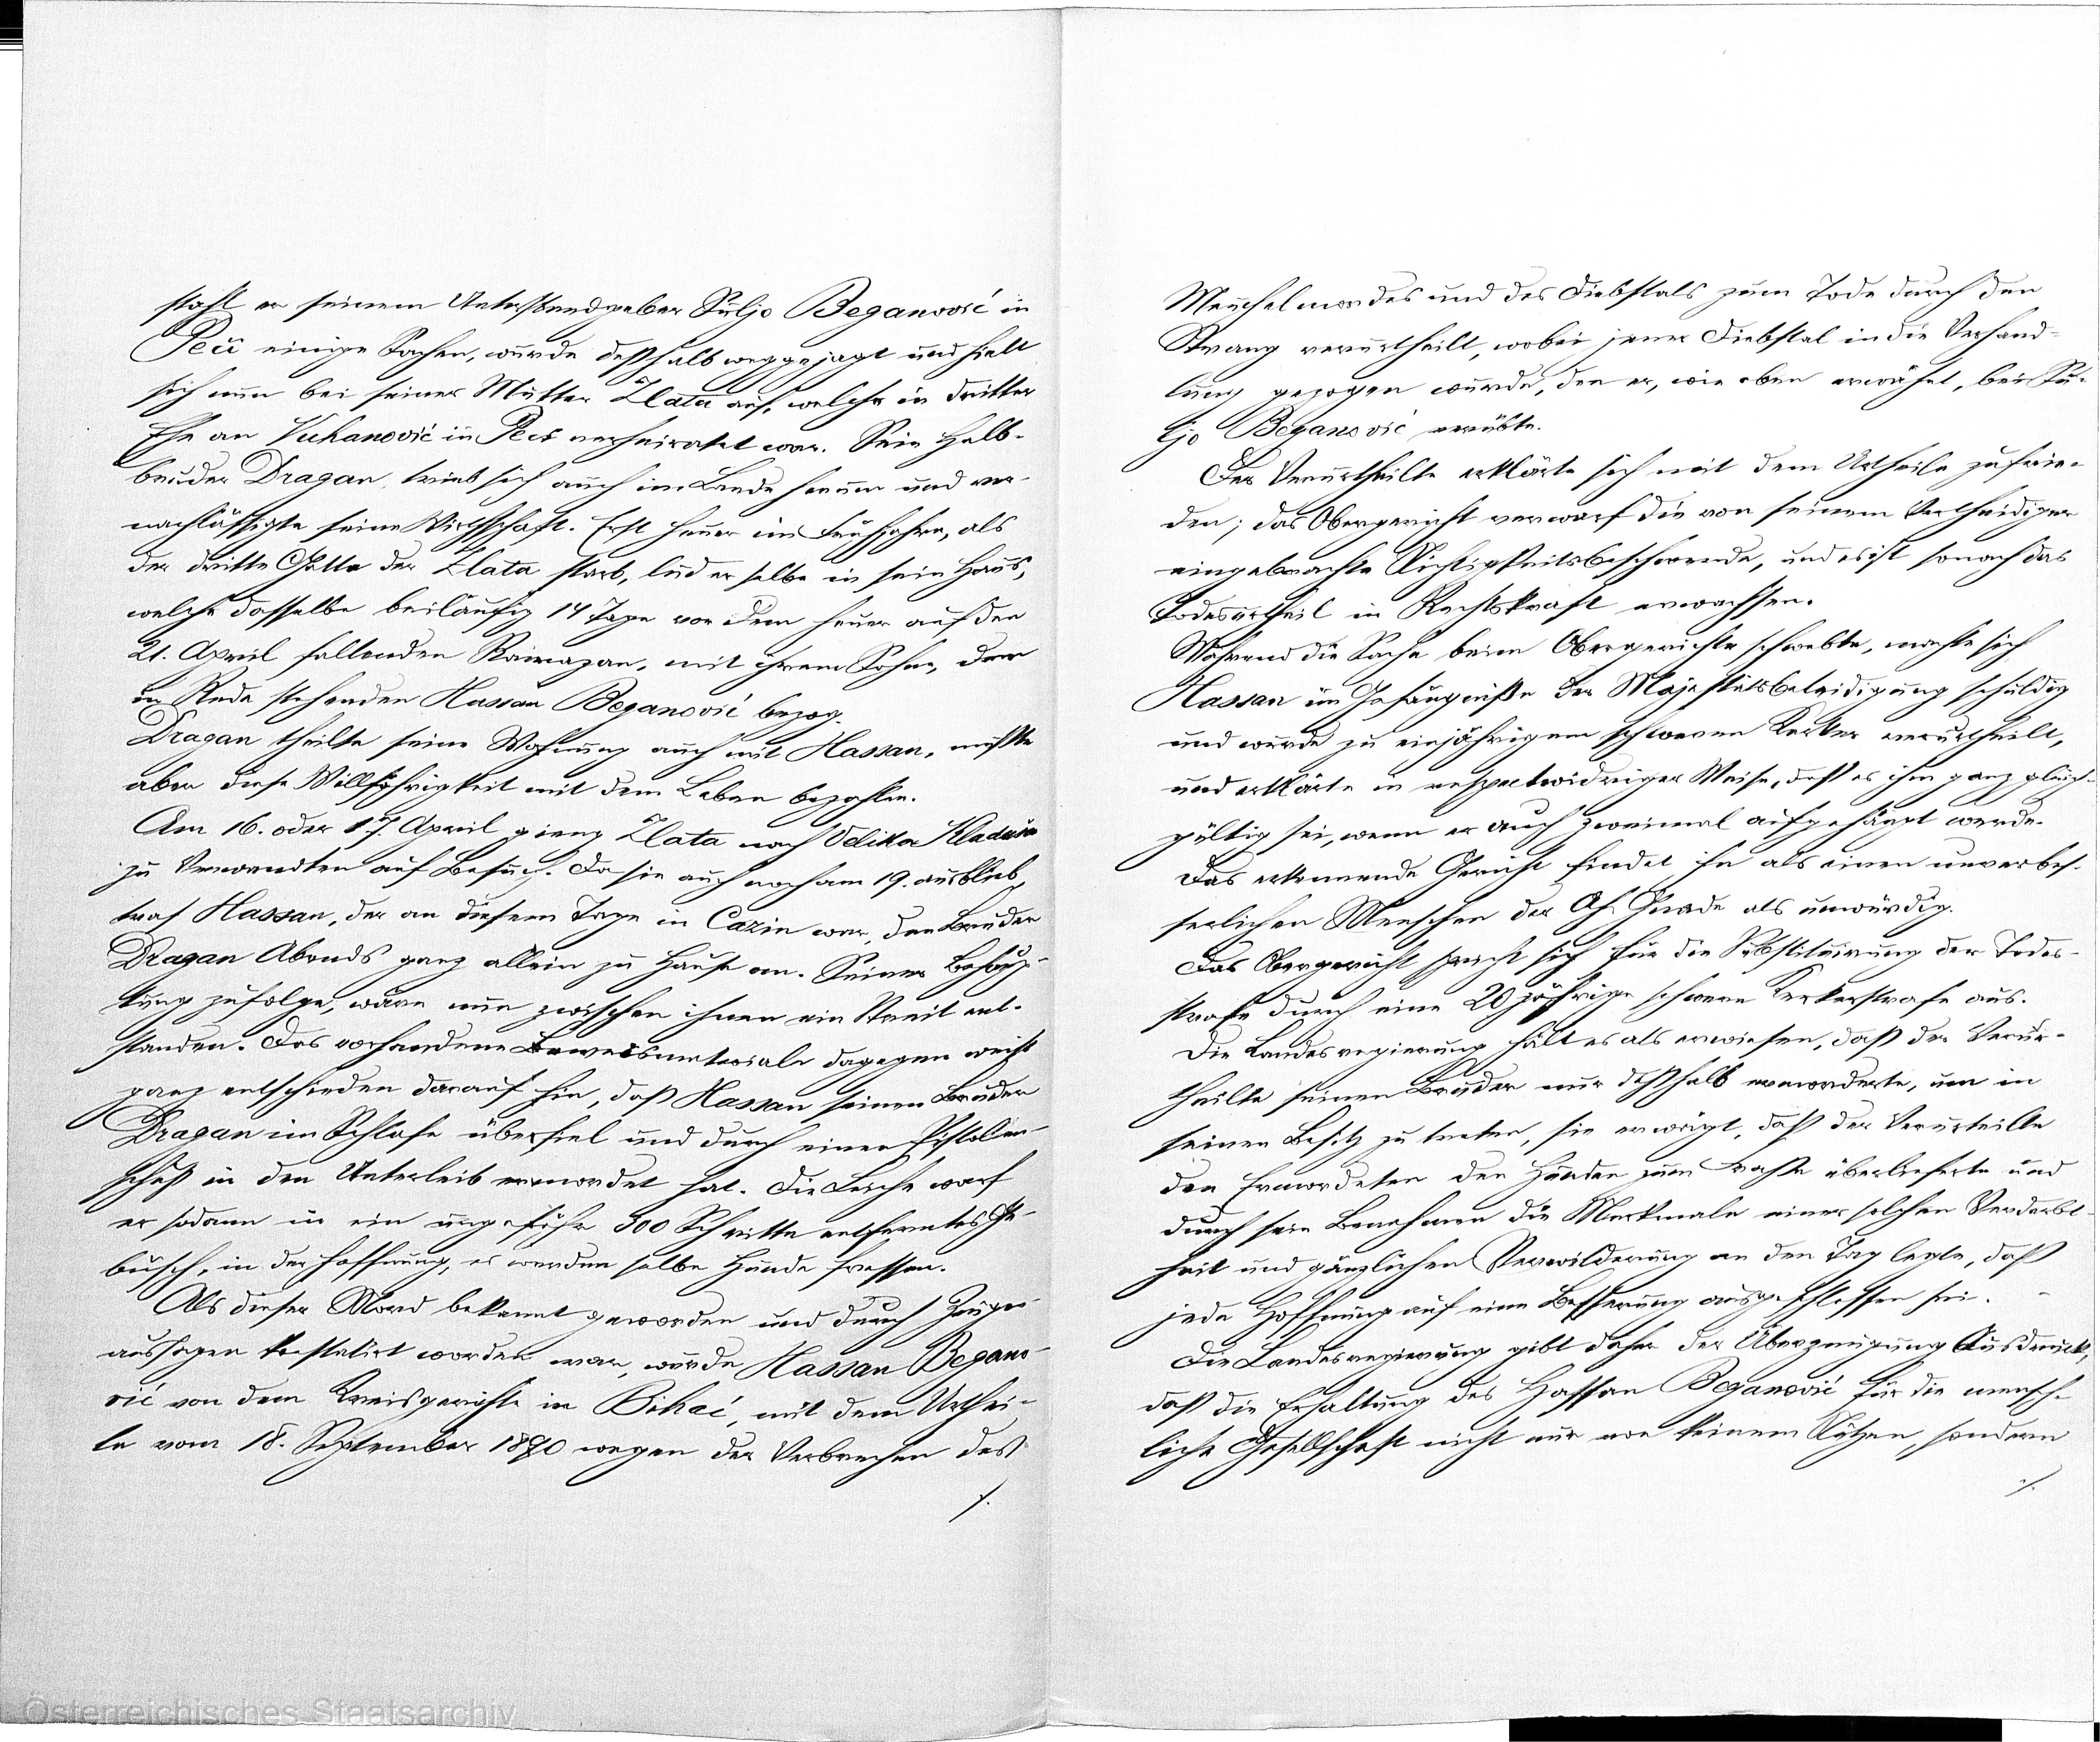stahl er seinem Unterstandgeber Suljo Beganović in
Peü einige Sachen, wurde deßhalb weggejagt und hielt
sich nun bei seiner Mutter Zlata auf, welche in dritter
Ehe an Vuhanović in Peu verheiratet war. Sein Halb¬
bruder Dragan, trieb sich auch im Lande herum und ver¬
nachlässigte seine Wirtschaft. Erst heuer im Frühjahre, als
der dritte Gatte der Zlata starb, lud er selbe in sein Haus,
welche dasselbe beiläufig 14 Tage vor dem Heuer auf den
21. April fallenden Rairazan, mit ihrem Sohne, der
in Rede stehenden Hassan Beganović bezog.
Dragan theilte seine Wohnung auch mit Hassan, mußte
aber diese Willführigkeit mit dem Leben bezahlen.
Am 16. oder 17. April gieng Zlata nach Velika Kladxx
zu Verwandten auf Besuch. Da sie auch noch am 19. ausblieb
xx Hassan, der an diesem Tage in Cazin war, den Bruden
Dragan Abends ganz allein zu Hause an. Seiner Behaup¬
tung zufolge, wäre nun zwischen ihnen ein Streit ent¬
standen. Das vorhandene Beweismateriale dagegen weist
ganz entschieden darauf hin, daß Hassan seinen Bruder
Dragan im Schlafe überfiel und durch einer Pistolen¬
schuß in den Unterleib er mordet hat. Die Leiche warf
er sodann in ein ungefähr 300 Schritte entferntes Ge¬
büsch, in der Hoffnung, er werden selbe Hunde fressen.
Als dieser Mord bekannt geworden und durch Zeugen¬
aussagen konstatirt worden war, wurde Hassan Begano¬
vić von dem Kreisgerichte in Bihać, mit dem Urtheil¬
le vom 18. September 1890 wegender Verbrechen des
Meuchelmordes und des Diebstals zum Tode durch den
Strang verurtheilt, wobei jener Diebstal in die Verhand¬
lung gezogen wurde, den er, wie oben erwähnt, bei Su
ljo Beganović verübte.
Der Verurtheilte erklärte sich mit dem Urtheile zufrie¬
den; das Obergericht verwarf die von seinem Vertheidiger
eingebrachte Nichtigkeitsbeschwerde, und es ist sonach das
Todesurtheil in Rechtskraft erwachsen.
Während die Sache beim Obergerichte schwebte, machte sich
Hassan im Gefängniße der Majestätsbeleidigung schuldig
und wurde zu einjährigem schweren Kerker verurtheilt,
und erklärte in respectwidriger Weise, daß es ihm ganz gleich¬
gültig sei, wenn er auch zweimal aufgehängt werde.
Das erkennende Gericht findet ihn als einen unverbes¬
serlichen Menschen der Ah. Gnade als unwürdig.
Das Obergericht spricht sich für die Substituirung der Todes¬
strafe durch eine 20 jährige schwere Kerkerstrafe aus.
Die Landesregierung hält es als erwiesen, daß der Verur¬
theilte seinen Bruder nur desßhalb xxderte, um in
seinen Besitz zu treten, sie erwägt, daß der Verurteilte
den Ermordeten den Händen zum Fraße überlieferte und
durch sein Benehmen die Merkmale einer solchen Verderbt¬
heit und gänzlichen Verwilderung an den Tag legte, daß
jede Hoffnung auf eine Besserung ausgeschlossen sei.
Die Landesregierung gibt daher der Überzeugung Ausdruck,
daß die Erhaltung des Hassan Beganović für die mensch¬
liche Gesellschaft nicht nur von keinem Nützen, sondern